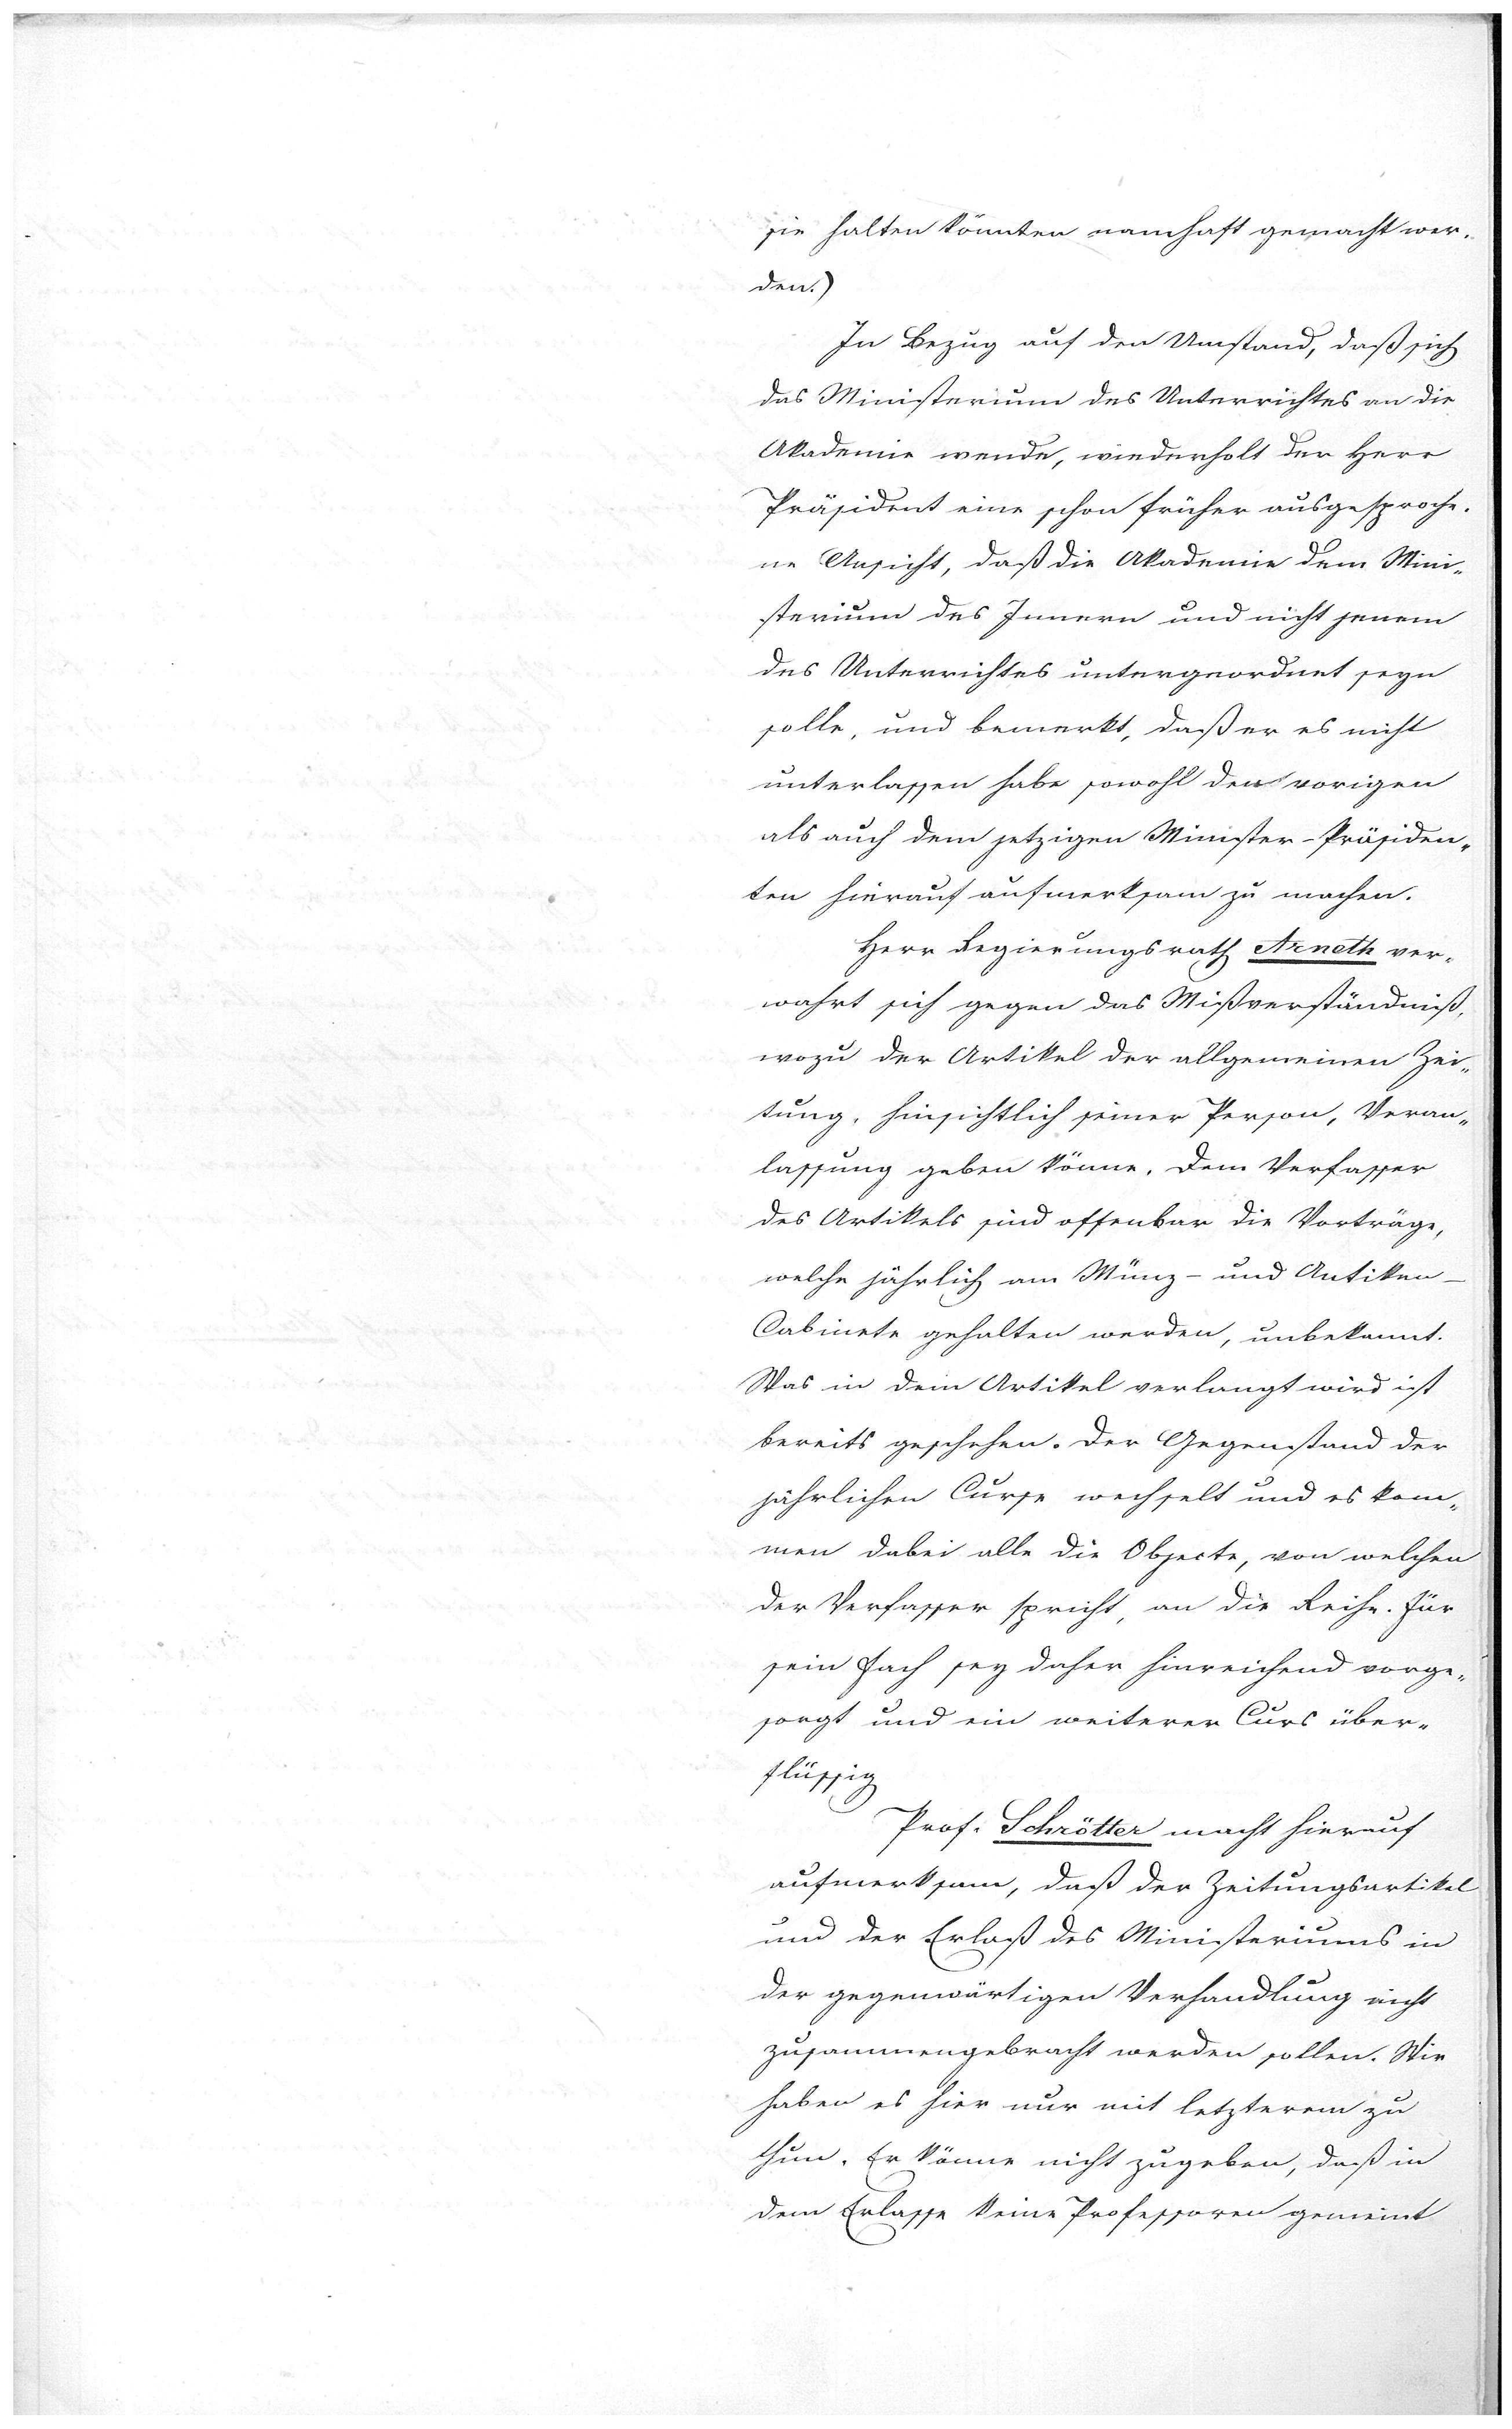sie halten könnten namhaft gemacht wer-
den.)
In Bezug auf den Umstand, daß sich
das Ministerium des Unterrichtes an die
Akademie wende, wiederholt der Herr
Präsident eine schon früher ausgesproche-
ne Ansicht, daß die Akademie dem Mini-
sterium des Innern und nicht jenem
des Unterrichte untergeordnet seyn
solle, und bemerkt, daß er es nicht
unterlassen habe sowohl den vorigen
als auch dem jetzigen Minister-Präsiden-
ten hierauf aufmerksam zu machen.
Herr Regierungsrath Arneth ver-
wahrt sich gegen das Mißverständniß,
wozu der Artikel der allgemeinen Zei-
tung, hinsichtlich seiner Person, Veran-
lassung geben könne. Dem Verfasser
des Artikel sind offenbar die Vorträge,
welche jährlich an Münz- und Antiken-
Cabinete gehalten werden, unbekannt.
Was in dem Artikel verlangt wird ist
bereits geschehen. Der Gegenstand der
jährlichen Curse wechselt und es kom-
men dabei alle die Objecte, von welchen
der Verfasser spricht, an die Reihe. Für
sein fach sey daher hinreichend vorge-
sorgt und ein weiterer Curs über-
flüsse.
Prof. Schrötter macht hierauf
aufmerksam, daß der Zeitungsartikel
und der Erlaß des Ministeriums in
der gegenwärtigen Verhandlung nicht
zusammengebracht werden sollen. Wir
haben es hier nur mit letzterem zu
thun. Er könne nicht zugeben, daß in
dem Erlasse keine Professoren gemeint